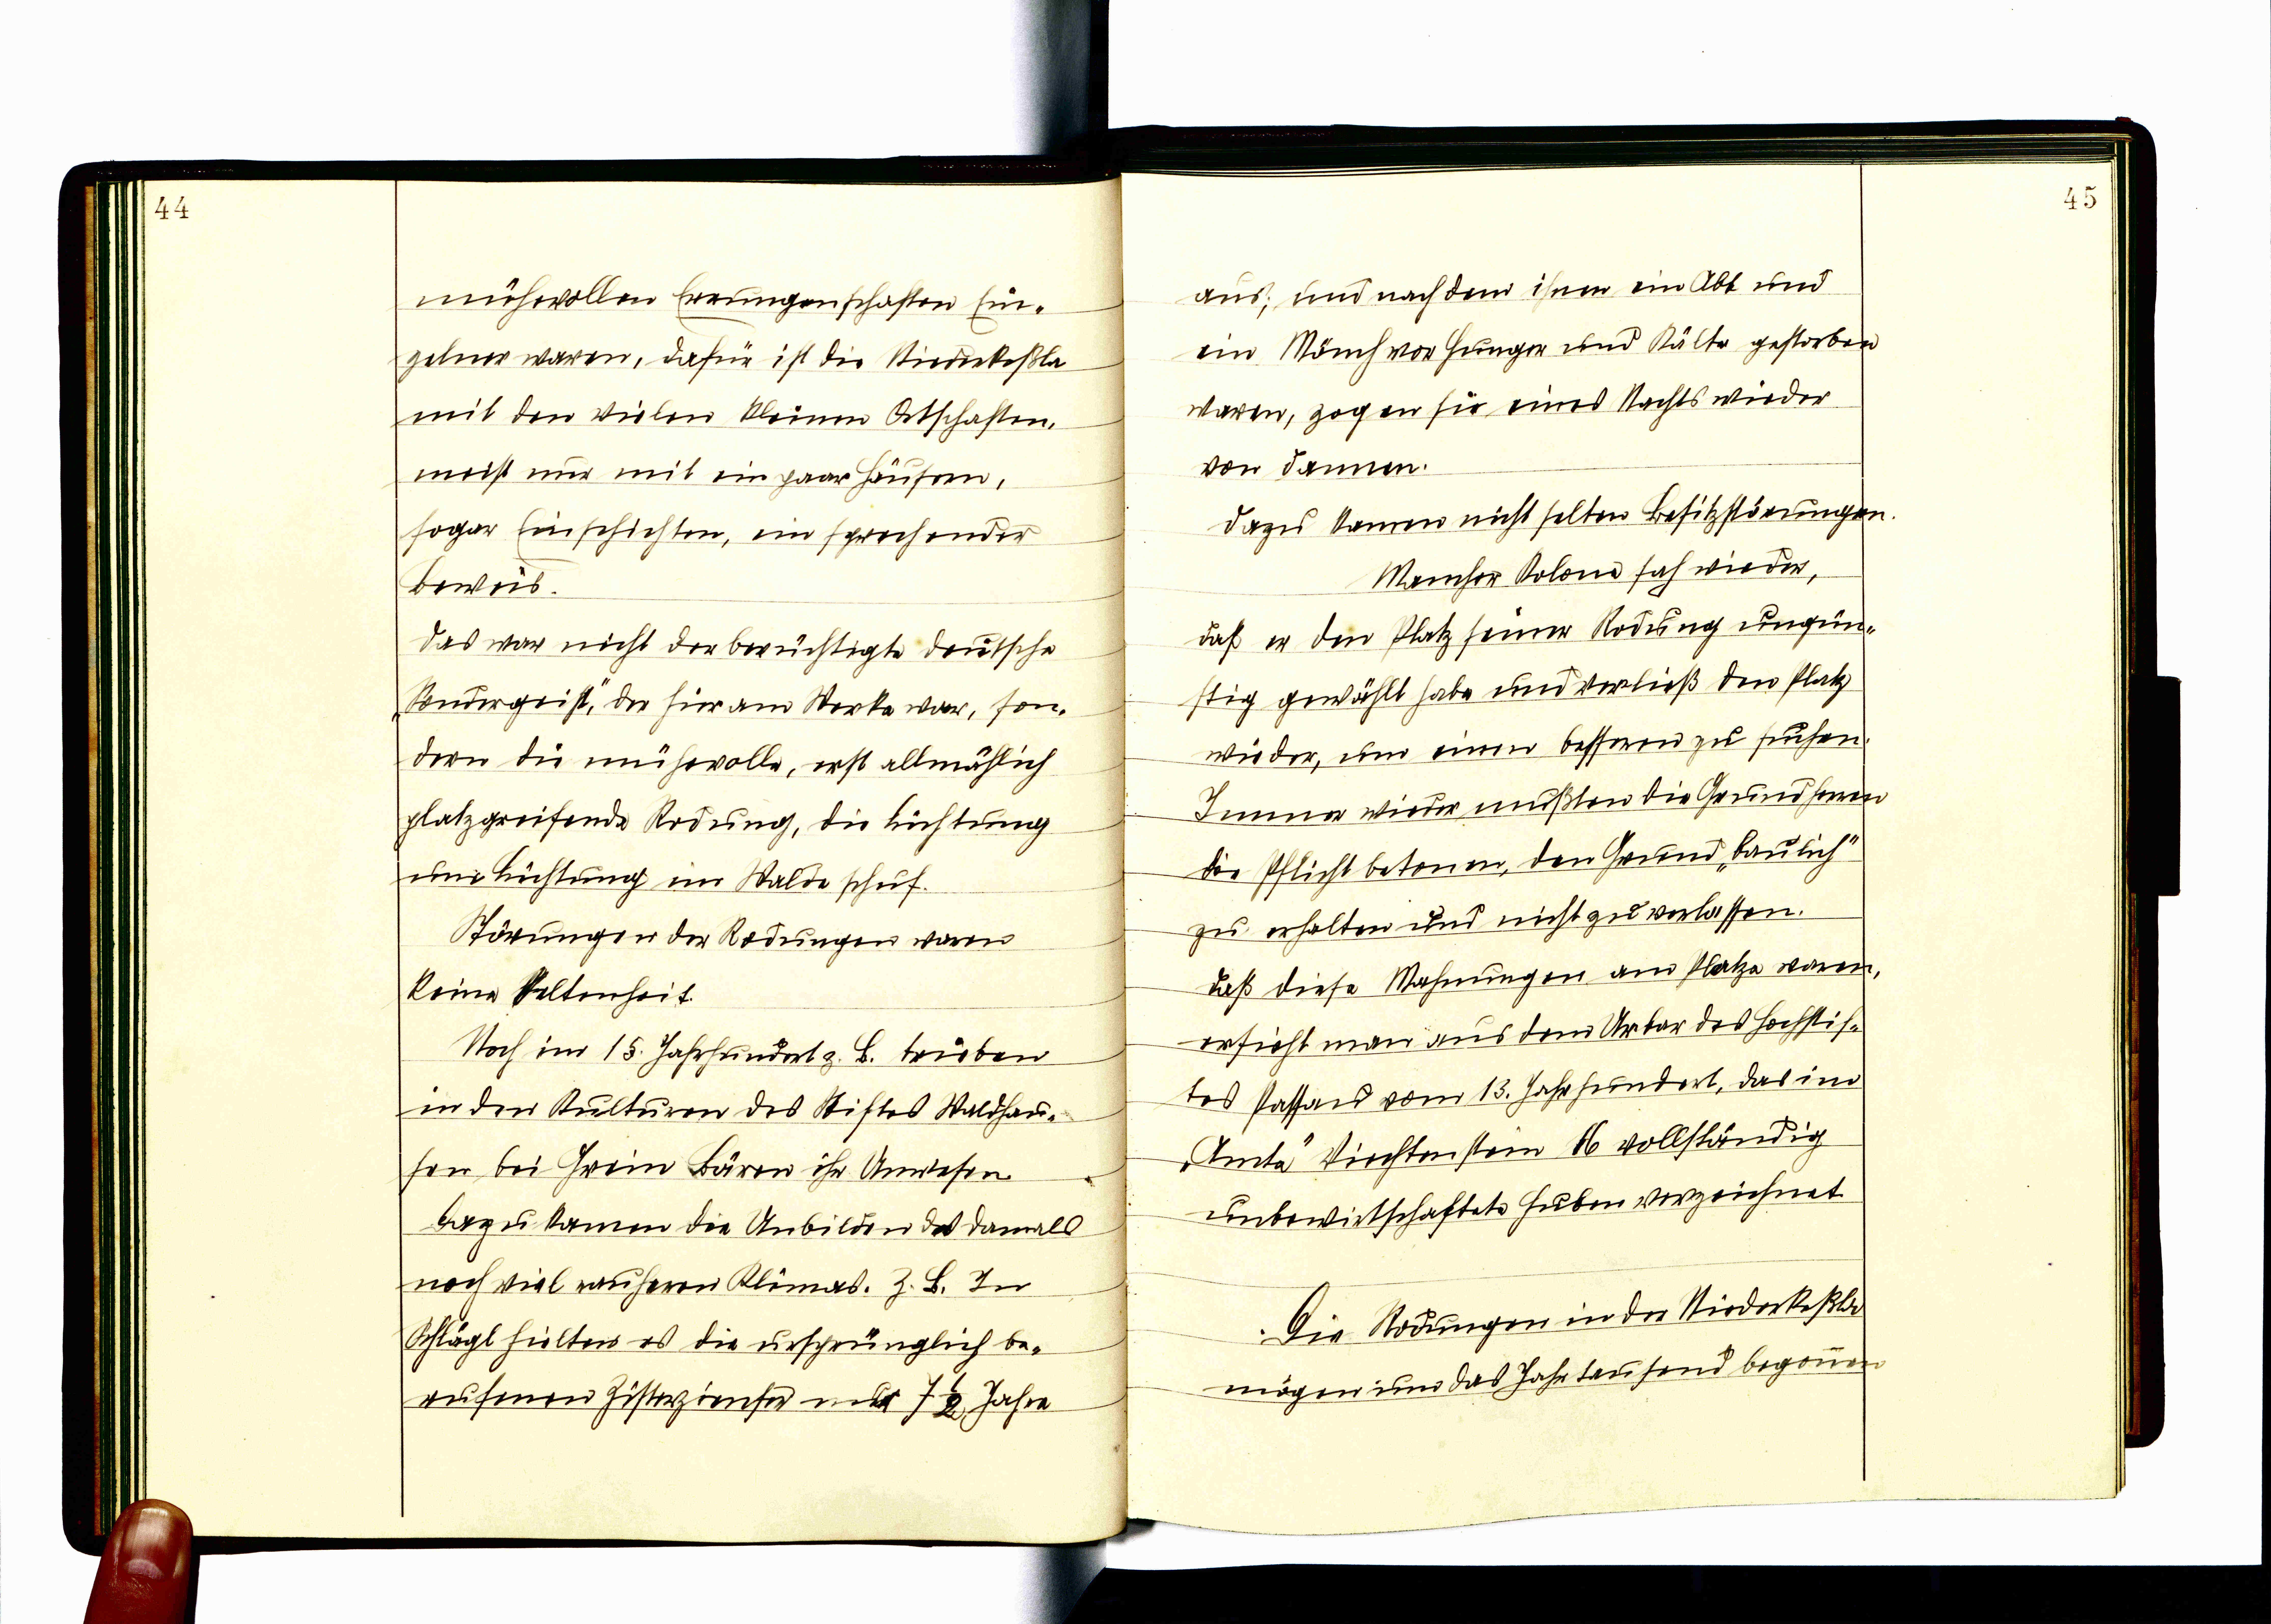mühevollen Errungenschaften Ein-
zelner waren, dafür ist die Niederkeßla
mit den vielen kleinen Ortschaften.
meist nur mit ein paar Häusern,
sogar Einschichten, ein sprechender
Beweis.
Das war nicht der berüchtigte deutsche
"Sondergreiß", der hier am Werke war, son-
dern die mühevolle, erst allmählich
platzgreifende Rodung, die Lichtung
um Lichting im Walde schuf.
Störungen der Rodungen waren
keine Seltenheit.
Noch im 15. Jahrhundert z.B. trieben
in den Kulturen des Stiftes Waldhau-
sen bei Grein Bären ihr Unwesen.
Dazu kamen die Anbilden des damals
noch viel rauheren Klimas. z.B. In
Schlägl hielten es die ursprünglich be-
rufenen Zisterzienser nur 7 1/2 Jahre
aus; und nach dem ihren ein Abt und
ein Mönch vor Hunger und Kälte gestorben
waren, zogen sie eines Nachts wieder
von dannen.
Dazu kamen nicht selten Besitzstörungen.
Mancher Kolone sah wieder,
daß er den Platz seiner Rodung ungün-
stig gewählt habe und verließ den Platz
wieder, um einen Besseren zu suchen.
Immer wieder mußten die Grundherren
die Pflicht betonen, den Grund "baulich"
zu erhalten und nicht zu verlassen.
Daß diese Mahnungen am Platza waren,
ersieht man aus dem Urbar des Hochstif-
tes Passau vom 13. Jahrhundert, das im
"Amte" Viechtenstein 16 vollständig
unbewirtschaftete Huben verzeichnet.
Die Rodungen in der Niederkeßla
mögen um das Jahr tausend begonnen